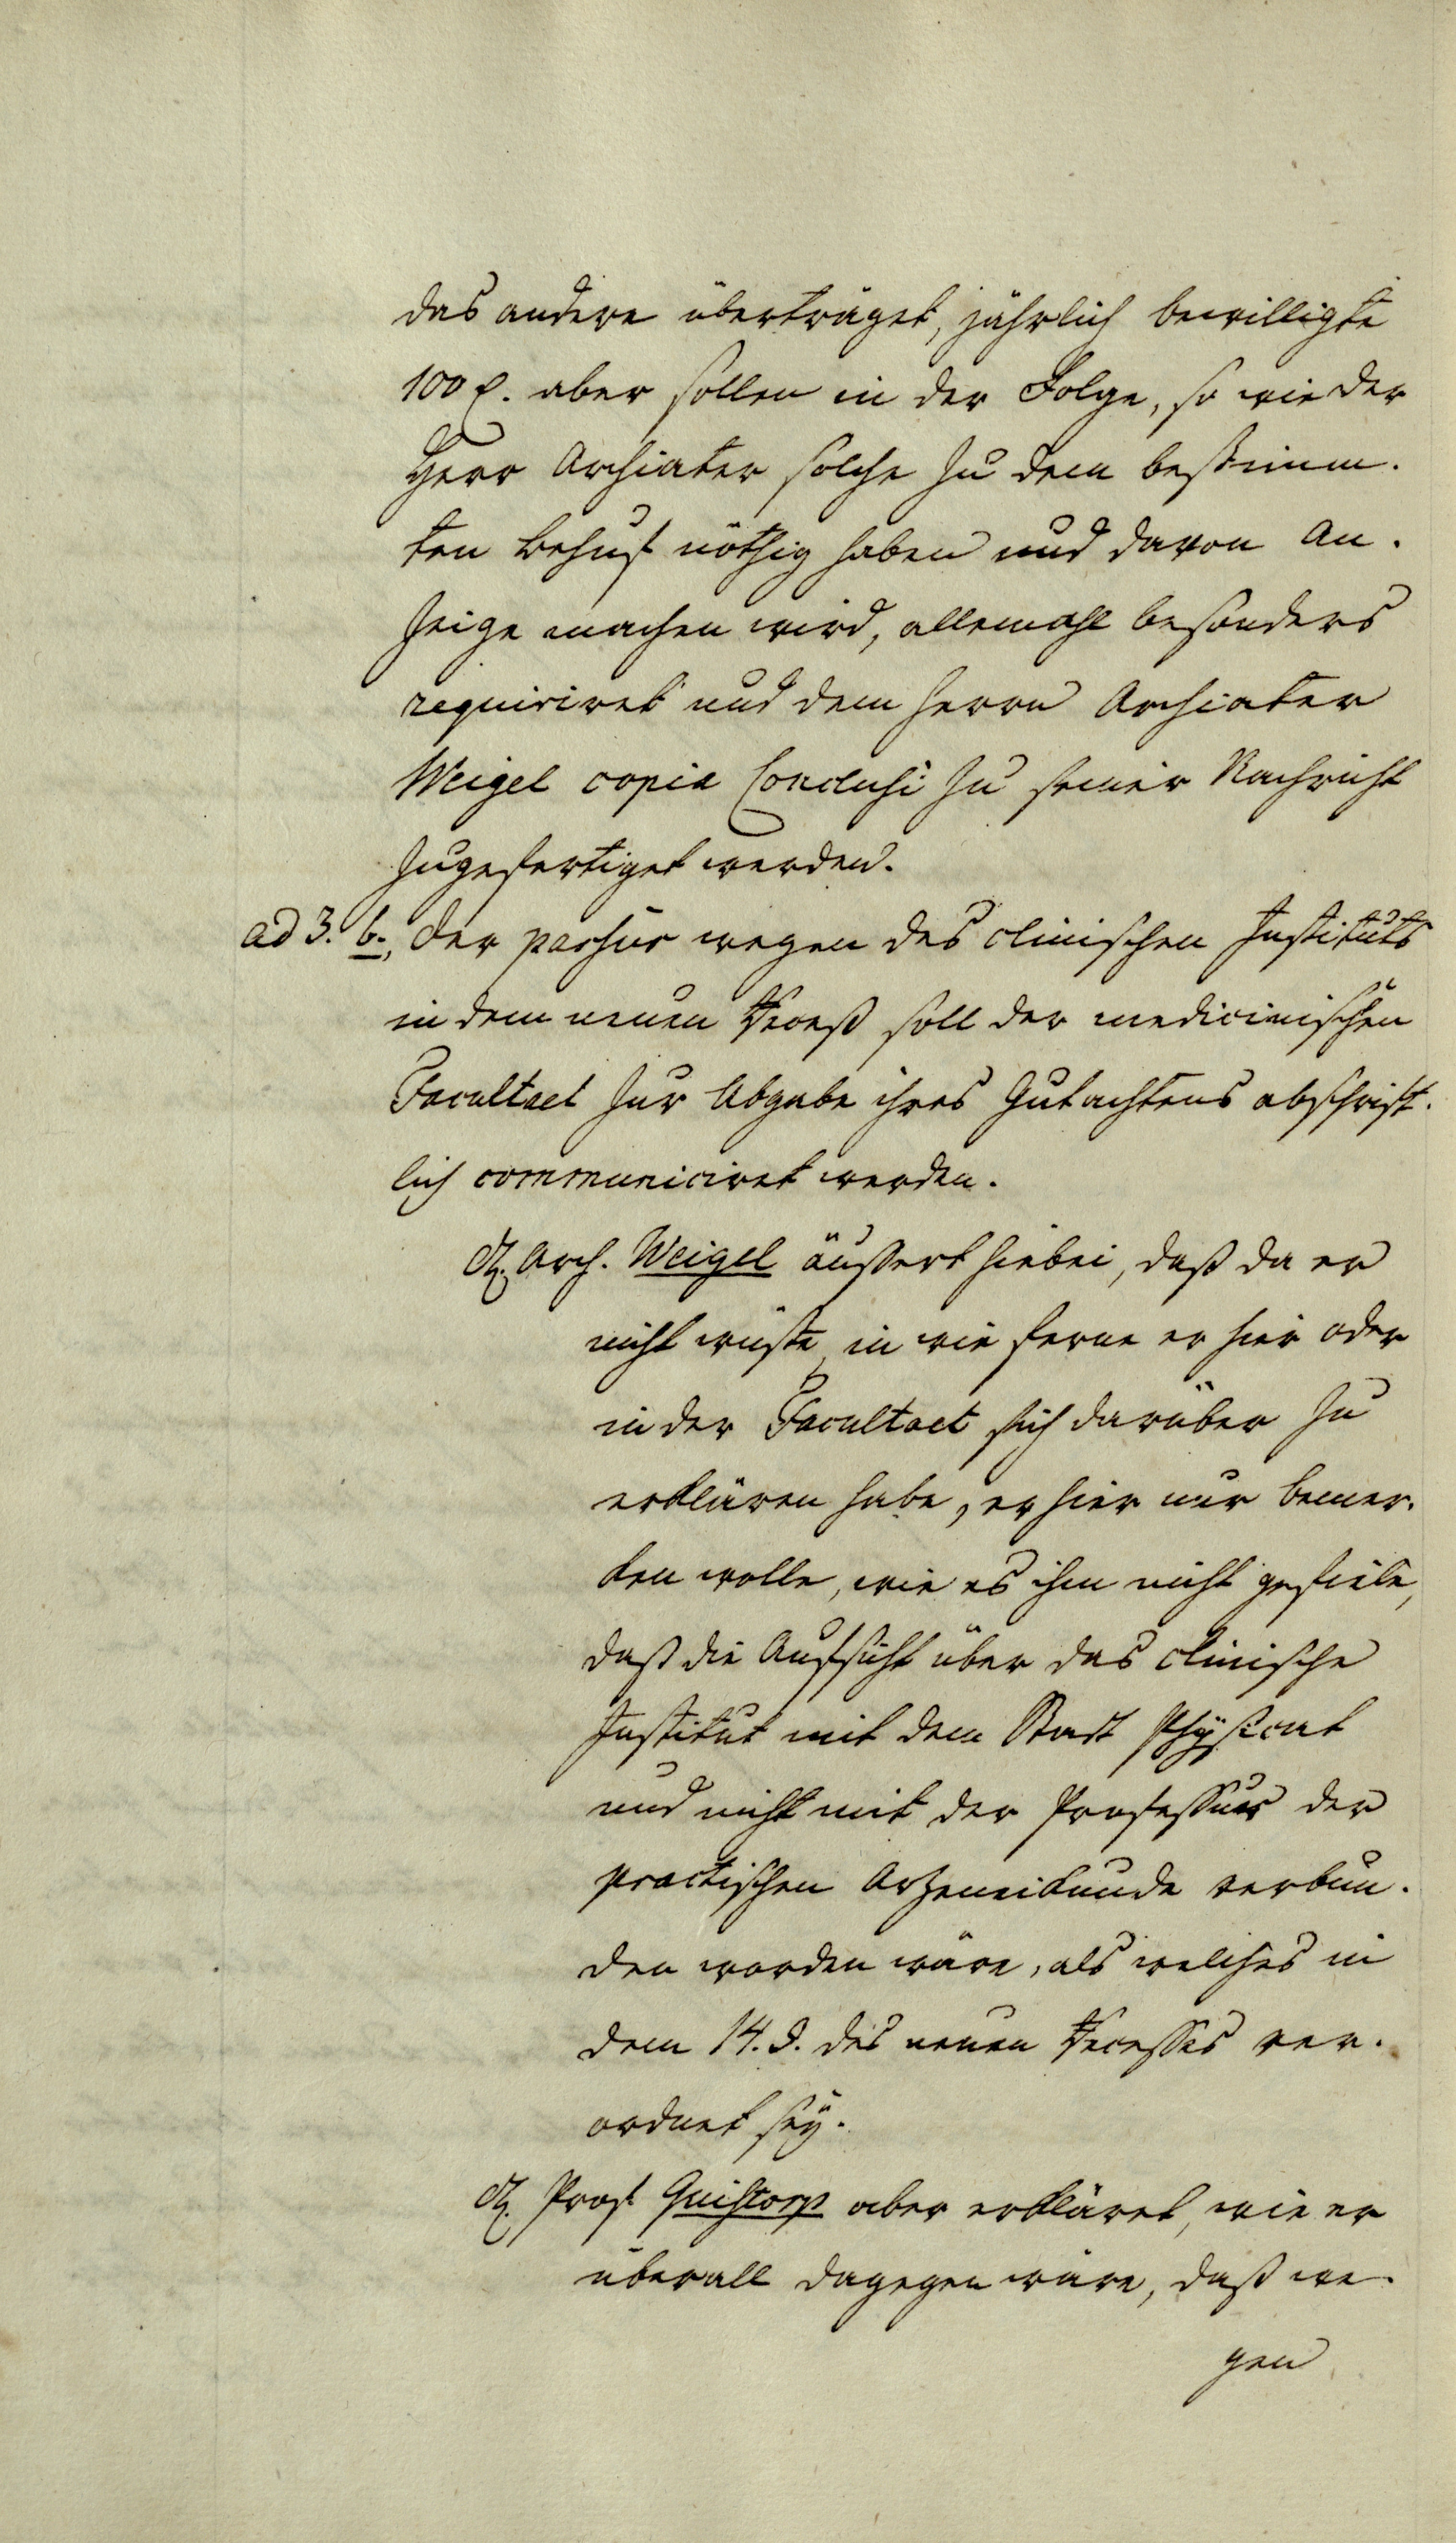das andere überträget, jährlich bewilligte
100 l. aber sollen in der Folge, so wie der
Herr Archiater solche zu dem bestimm¬
ten Behuf nöthig haben und davon An¬
zeige machen wird, allemahl besonders
requiriret und dem Herrn Archiater
Weigel copia Conclusi zu seiner Nachricht
zugefertiget werden.
ad 3.b., der passus wegen des clinischen Instituts
in dem neuen Receß soll der medicinischen
Facultaet zur Abgabe ihres Gutachtens abschrift¬
lich communiciret werden.
dh. Prof. Weigel äussert hiebei, daß da er
nicht wüßte, in wie ferne er hier oder
in der Facultaet sich darüber zu
erklären habe, er hier nur bemer¬
ken wolle, wie es ihm nicht gefiele,
daß die Aufsicht über das clinische
Institut mit dem Stadt Phÿsicat
und nicht mit der Professur der
practischen Arzeneikunde verbun¬
den worden wäre, als welches in
dem 14. §. des neuen Recesses ver¬
ordnet seÿ.
dh. Prof. Quistorp aber erkläret, wie er
überall dagegen wäre, daß we¬
gen